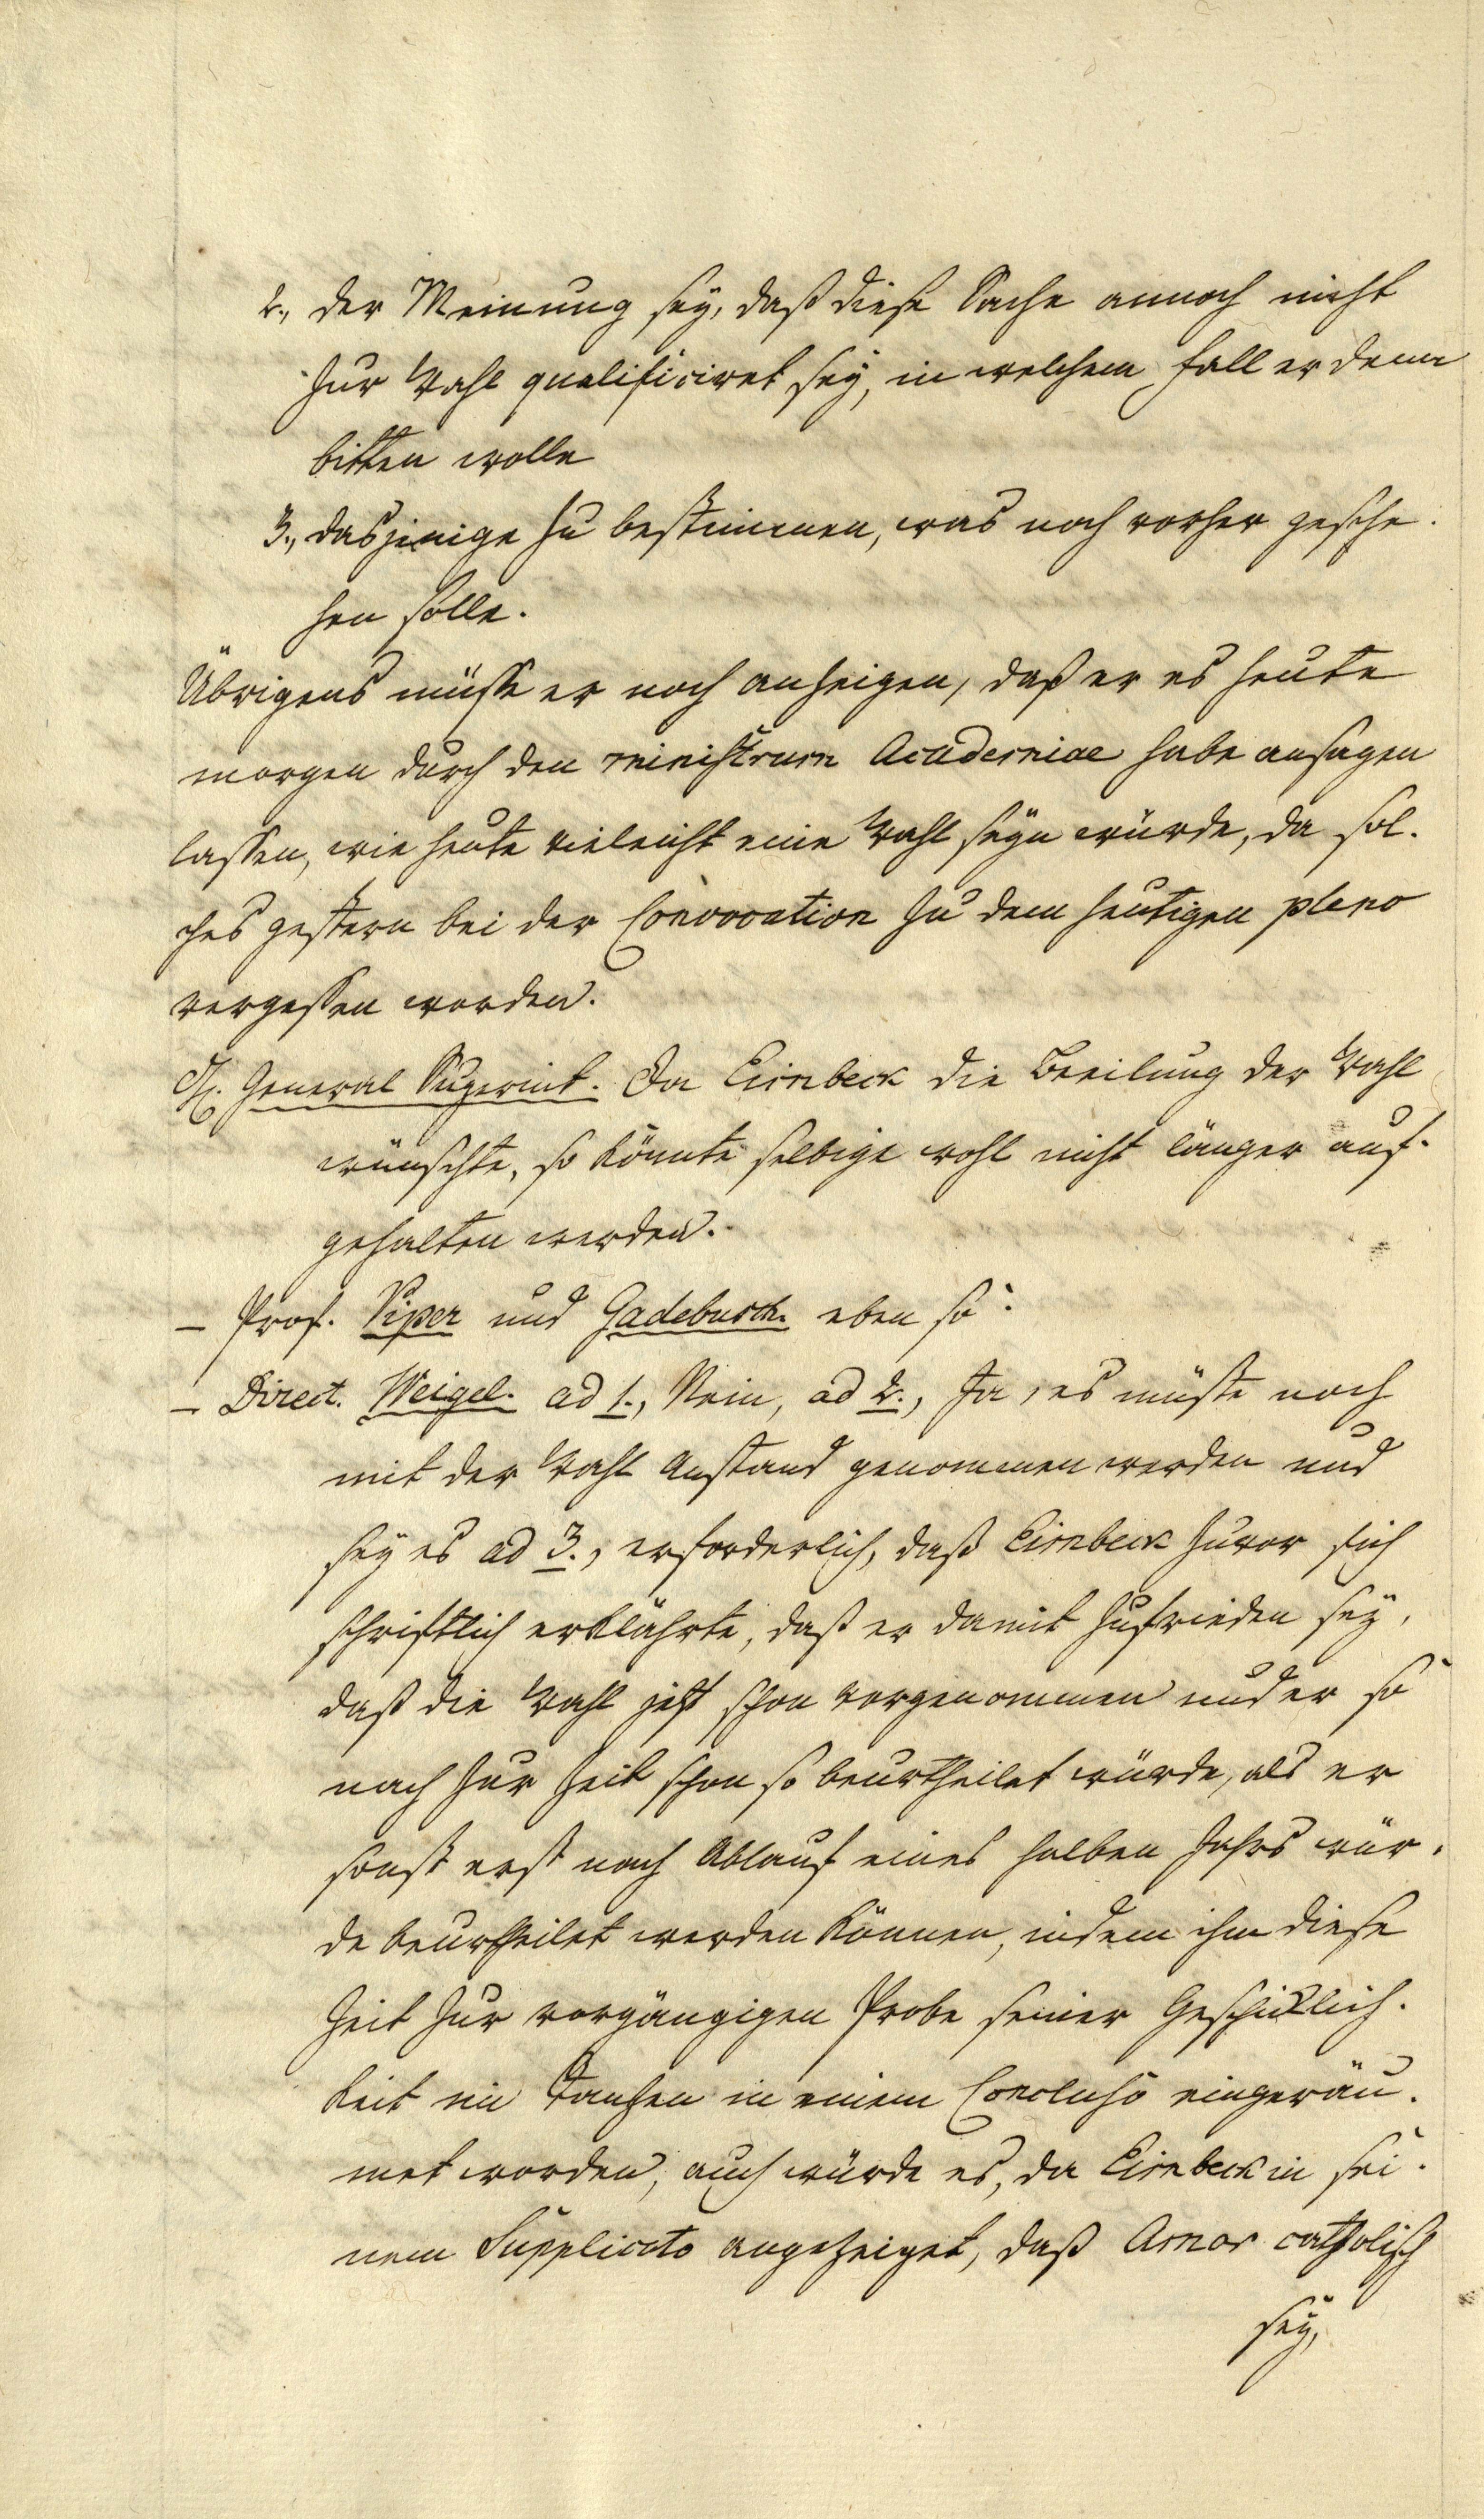2., der Meinung sey, daß diese Sache annoch nicht
zur Wahl qualificiret sey, in welchem Fall er denn
bitten wolle
3., dasjenige zu bestimmen, was noch vorher gesche-
hen solle.
Übrigens müsse er noch anzeigen, daß er es heute
morgen durch den Ministrum Academiae habe ansagen
lassen, wie heute vieleicht eine Wahl seyn würde, da sol-
ches gestern bei der convocation zu dem heutigen pleno
vergessen worden.
dh. General Superint. Da Eimbeck die Beeilung der Wahl
wünschte, so könnte selbige wohl nicht länger auf-
gehalten werden.
- Prof. Piper und Gadebusch eben so.
Direct. Weigel. ad 1., Nein, ad 2., Ja, es müßte noch
mit der Wahl Anstand genommen werden und
sey es ad 3., erforderlich, daß Eimbeck zuvor sich
schriftlich erklährte, daß er damit zufrieden sey,
daß die Wahl jetzt schon vorgenommen und er so
nach zur Zeit schon so beurtheilet würde, als er
sonst erst nach Ablauf eines halben Jahres wür-
de beurtheilet werden können, indem ihm diese
Zeit zur vorgängigen Probe seiner Geschicklich-
keit im Tanzen in einem Concluso eingeräu-
met worden, auch würde es, da Eimbeck in sei-
nem Supplicato angezeiget, daß Amor catholisch
sey,